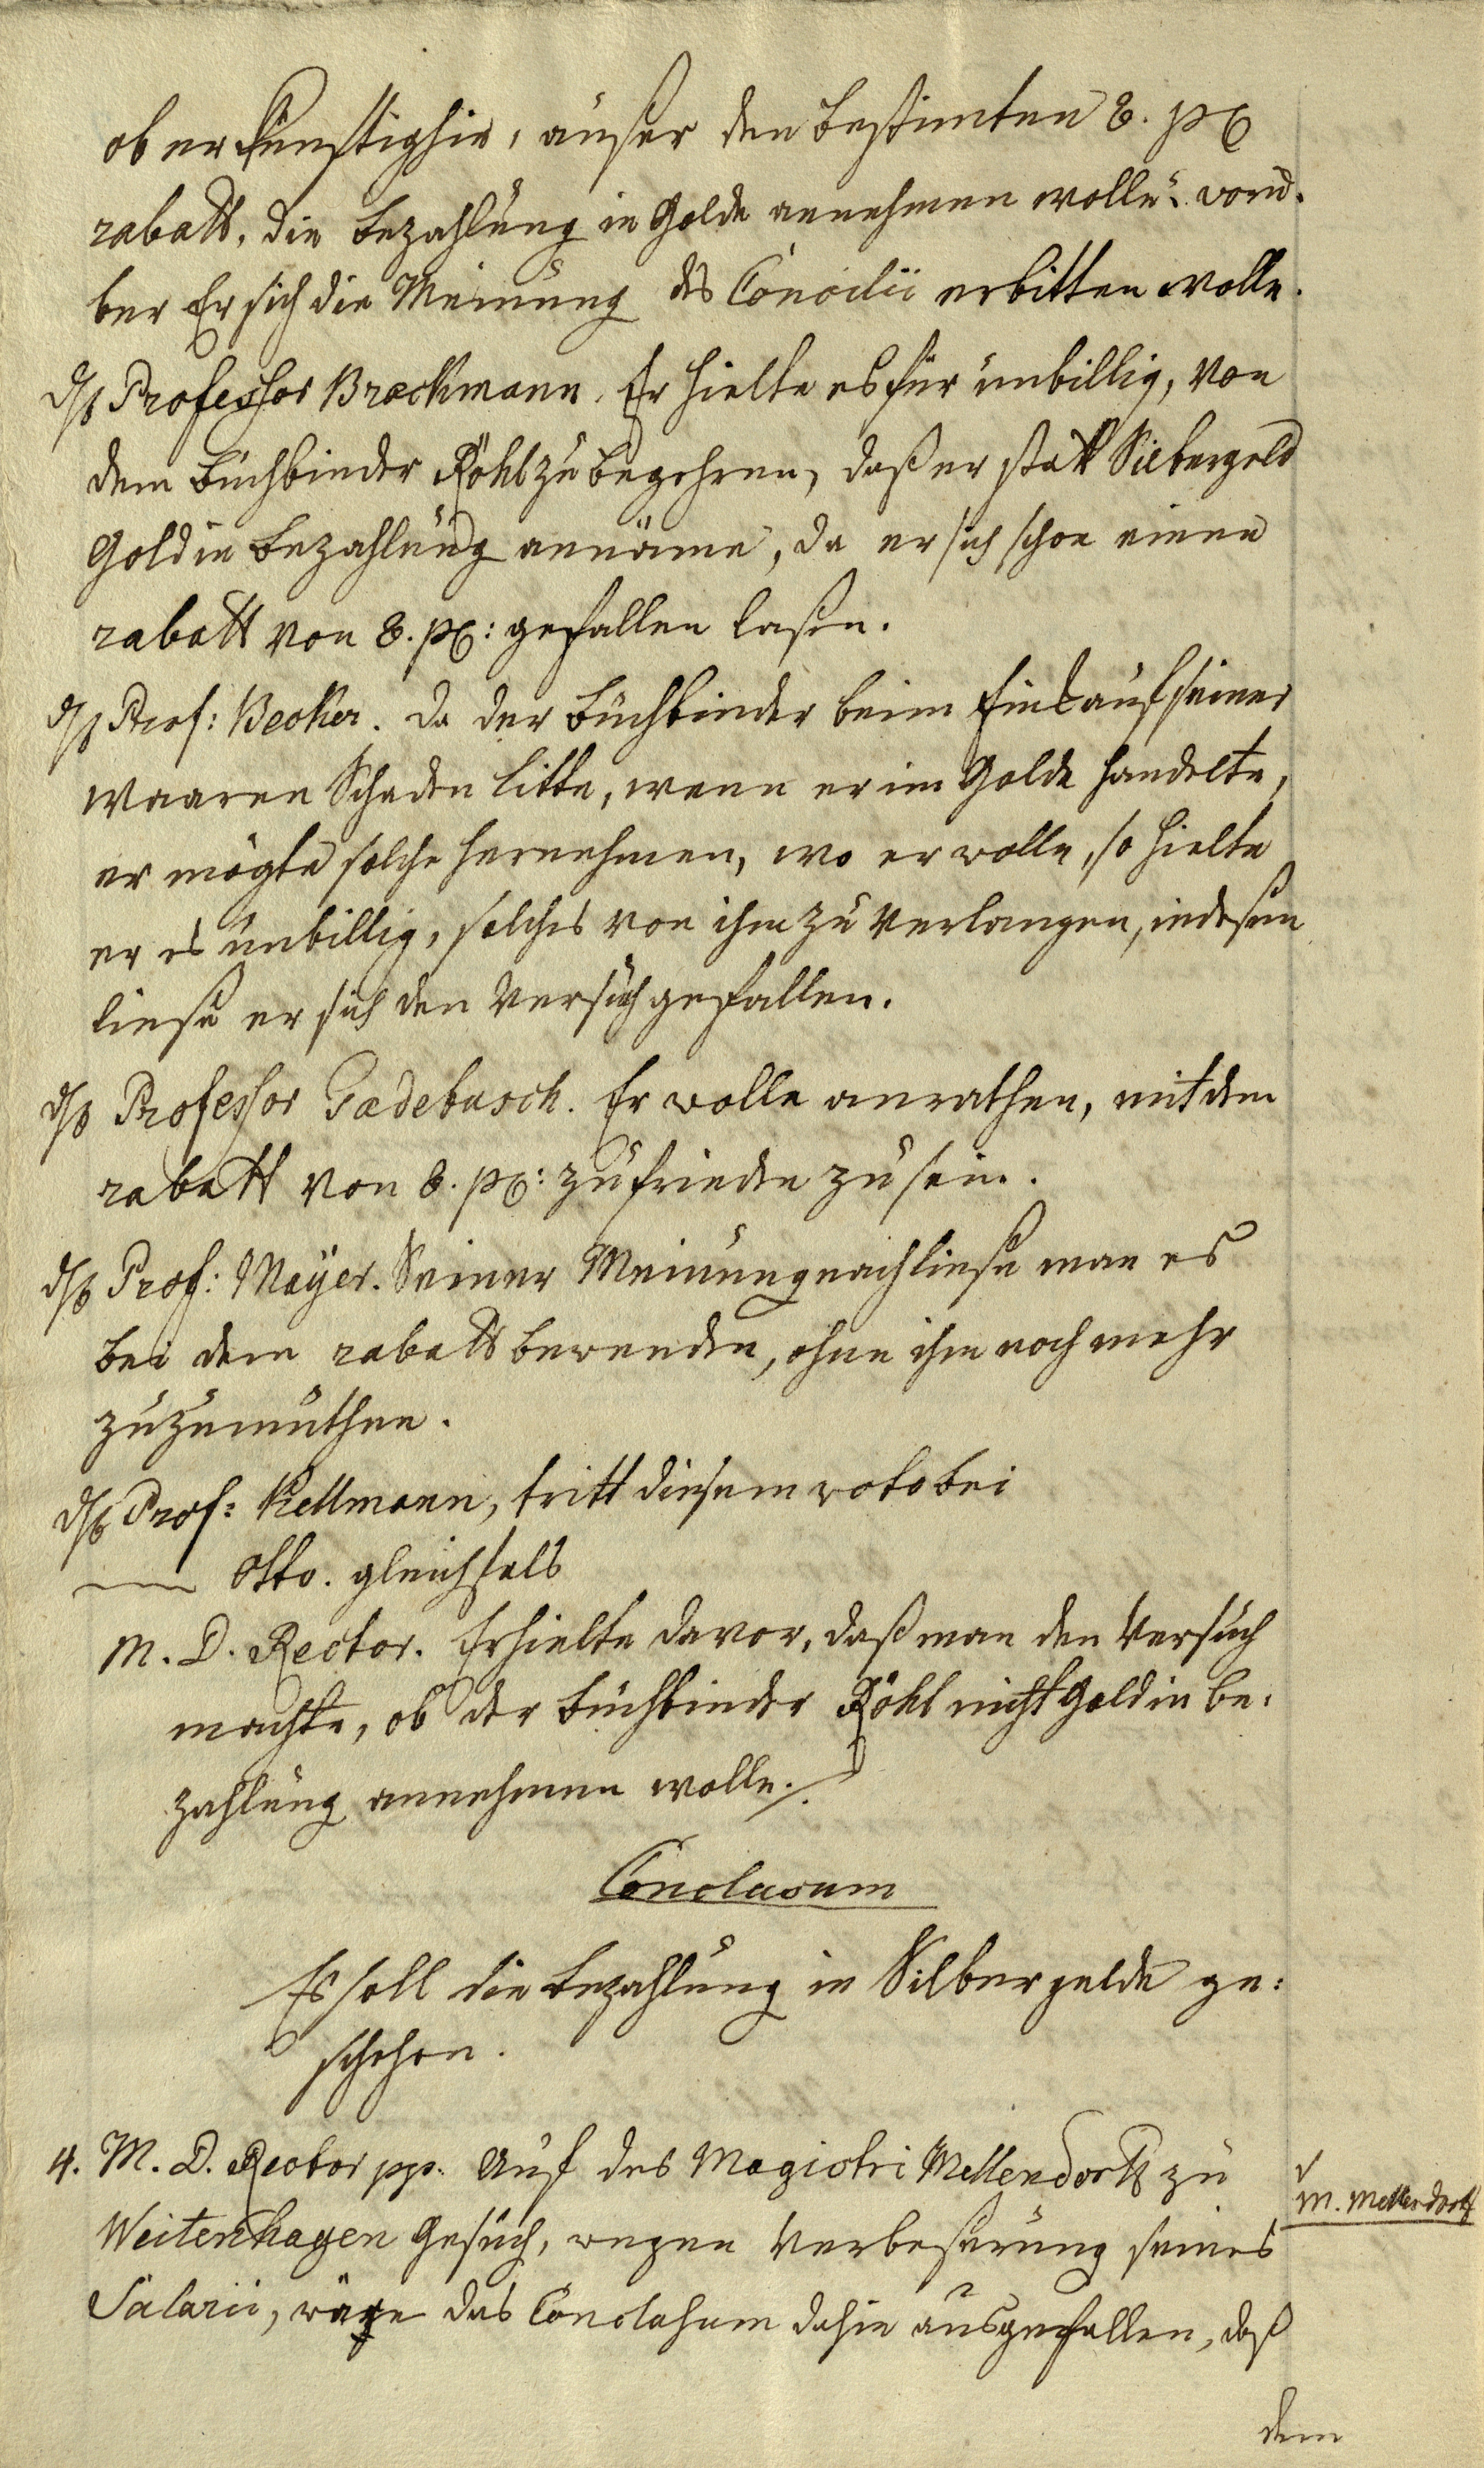ob er künftighin außer den bestimten 8 p.
rabatt die Bezahlung in Golde annehmen wolle, worü¬
ber Er sich die Meinung des Concilii erbitten wolle.
dh Professor Brockmann. Er hielte es für unbillig, von
dem Buchbinder Röhl zu begehren, daß er statt Silbergeld
Gold in Bezahlung annäme, da er sich schon einen
rabatt von 8 p: gefallen laßen.
dh Prof: Becker. da der Buchbinder beim Einkauf seiner
Waaren Schaden litte, wenn er im Golde handelte,
er mögte solche hernehmen, wo er wolle, so hielte
er es unbillig, solches von ihm zu verlangen, indeßen
ließe er sich den Versuch gefallen.
dh Professor Gadebusch. Er wolle anrathen, mit dem
rabatt von 8 p: zufrieden zusein.
dh Prof: Maÿer. Seiner Meinung nach ließe man es
bei dem rabatt bewenden, ohne ihm noch mehr
zuzumuthen.
dh Prof: Kellmann, tritt diesem voto bei
Otto gleichfals
M. D. Rector. Erhielte davor, daß man den Versuch
machte, ob der Buchbinder Röhl nicht Gold in be¬
zahlung annehmen wolle.
Conclusum
Es soll die Bezahlung in Silbergelde ge¬
schehen.
4. M. D. Rector pp. Auf des Magistri Mellendorff zu
Weitenhagen Gesuch, wegen Verbeßerung seines M.Mellendorff
Salarii, wäre das Conclusum dahin ausgefallen, daß